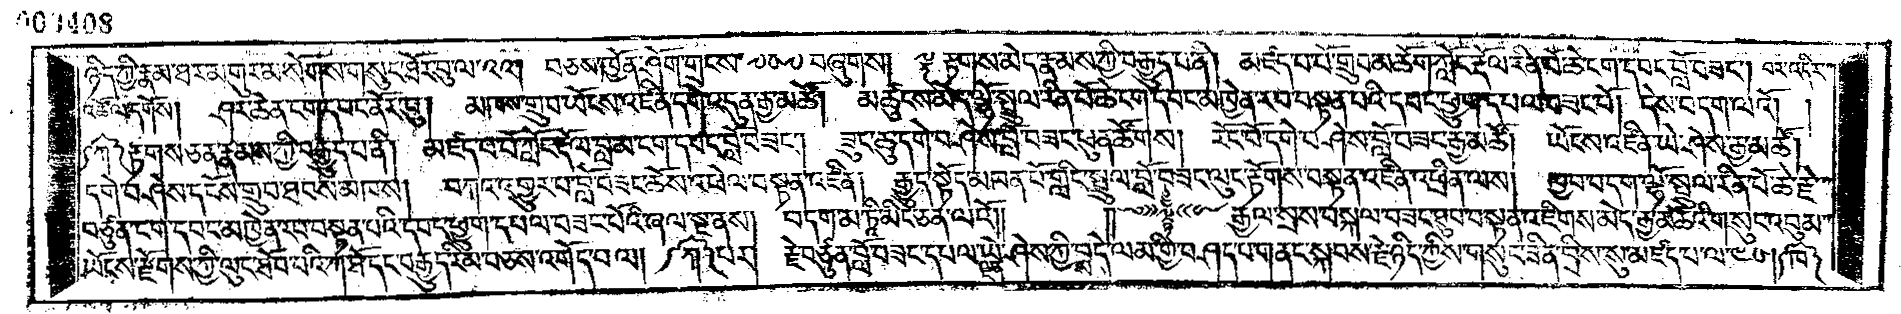ཉིད་ཀྱི་རྣམ་ཐར་མགུར་མ་སོགས་གསུང་ཐོར་བུ་ལ ༢༢། བཅས་ཁྱོན་ཤོག་གྲངས ༧༦༧་བཞུགས། ༈ རྟགས་མེད་རྣམས་ཀྱི་བརྒྱུད་པ་ནི། མཛད་པ་པོ་གྲུབ་མཆོག་ཀློང་རྡོལ་རིན་པོ་ཆེ་ངག་དབང་བློ་བཟང་། པར་འདིར་
འཚོལ་དགོས། ཤར་ཆེན་ངག་དབང་ནོར་བུ། མཁས་གྲུབ་ཡོངས་འཛིན་དགེ་འདུན་རྒྱ་མཚོ། མཚུངས་མེད་ལྷོ་སྤྲུལ་རིན་པོ་ཆེ་ངག་དབང་མཁྱེན་རབ་བསྟན་པའི་དབང་ཕྱུག་དཔལ་བཟང་པོ། དེས་བདག་ལའོ། །
༼ཀ༽ རྟགས་ཅན་རྣམས་ཀྱི་བརྒྱུད་པ་ནི། །མཛད་པ་པོ་ཀློང་རྡོལ་བླ་མ་ངག་དབང་བློ་བཟང་། ཟུང་ཆུ་དགེ་བཤེས་བློ་བཟང་ཕུན་ཚོགས། རོང་བོ་དགེ་བཤེས་བློ་བཟང་རྒྱ་མཚོ། ཡོངས་འཛིན་ཡེ་ཤེས་རྒྱ་མཚོ།
དགེ་བཤེས་དངོས་གྲུབ་ཐབས་མཁས། བཀའ་འགྱུར་པ་བློ་བཟང་ཆོས་འཕེལ་བསྟན་འཛིན། རྒྱུད་སྟོད་མཁན་པོ་གླིང་སྤྲུལ་བློ་བཟང་ལུང་རྟོགས་བསྟན་འཛིན་འཕྲིན་ལས། ཁྱབ་བདག་ལྷོ་སྤྲུལ་རིན་པོ་ཆེ་རྗེ་
བཙུན་ངག་དབང་མཁྱེན་རབ་བསྟན་པའི་དབང་ཕྱུག་དཔལ་བཟང་པོའི་ཞལ་སྔ་ནས། བདག་མ་ཏའི་མིང་ཅན་ལའོ།། །།༆་རྒྱལ་སྲས་བསྐལ་བཟང་ཐུབ་བསྟན་འཇིགས་མེད་རྒྱ་མཚོའི་གསུང་འབུམ་
ཡོངས་རྫོགས་ཀྱི་ལུང་ཐོབ་པའི་ཀ་ཐོ་དང་བརྒྱུད་རིམ་བཅས་འགོད་པ་ལ། ༼ཀ༽ པར། རྗེ་བཙུན་བློ་བཟང་དཔལ་ལྡན་ཡེ་ཤེས་ཀྱིས་བདེ་ལམ་གྱི་བཤད་པ་གནང་སྐབས་རྗེ་ཉིད་ཀྱིས་གསུངས་ཟིན་བྲིས་སུ་མཛད་པ་ལ ༤༦། ༼ཁ༽